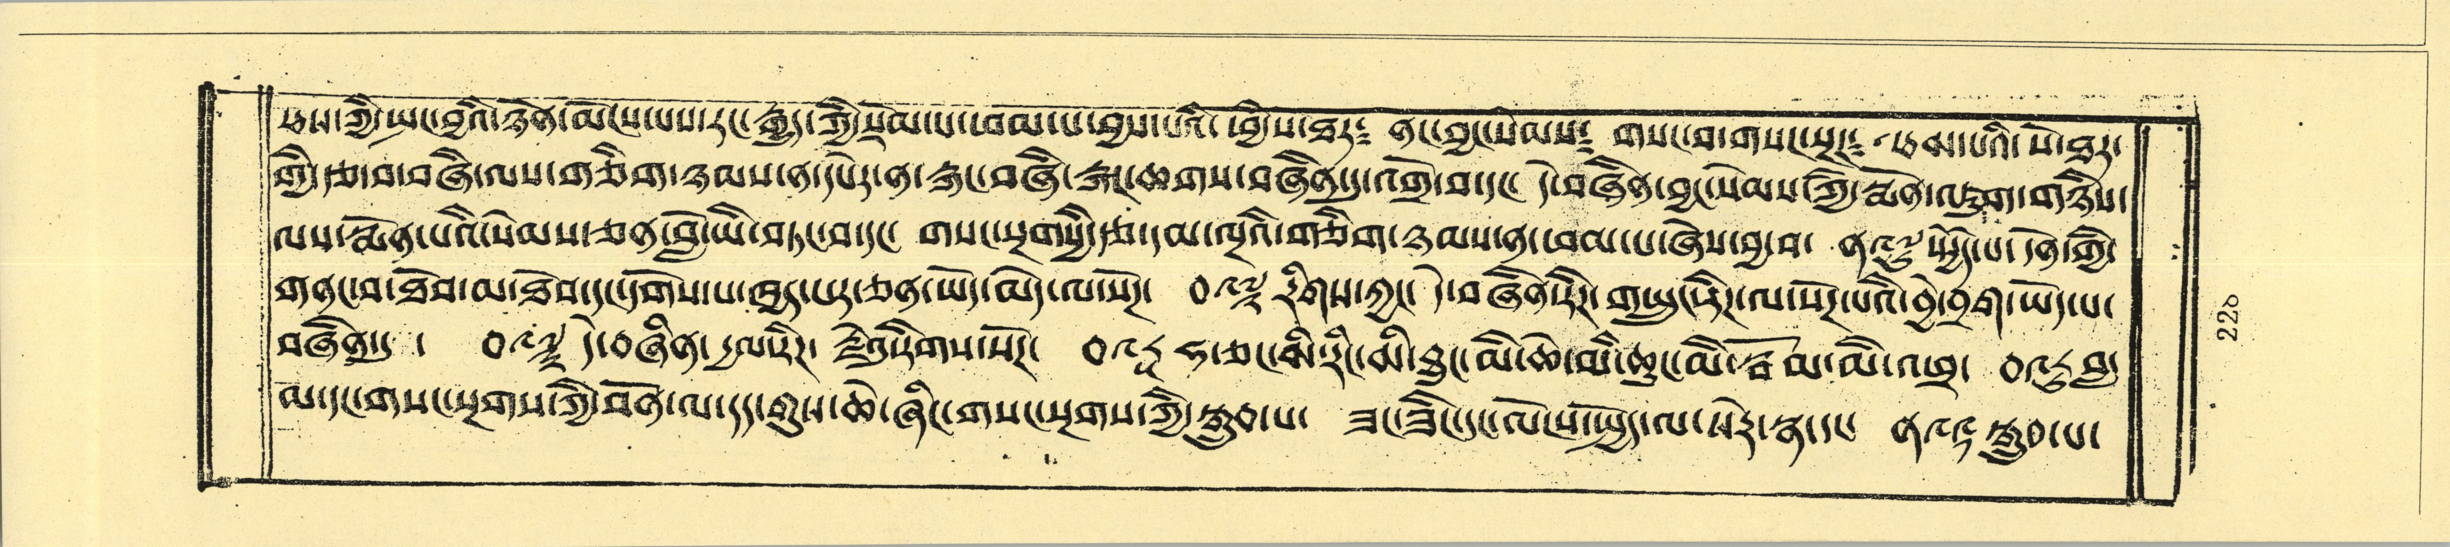ཕས་ཀྱི་སྤང་བྱའི་ཉོན་མོངས་པས་རང་རྒྱུད་ཀྱི་སྡོམ་པ་ཕམ་པ་བྱས་པའི་ཕྱི་སོ་ཐར་་། ནང་བྱང་སེམས་། གསང་བ་གསང་སྔགས་་། ཕམ་པའི་སོ་ཐར་
གྱི་རྩ་བ་བཞི་ལས་གཅིག་ཉམས་ན་དཔེར་ན་རྐང་བཞི་རྐང་ཆགས་བཞིན་དུ་འགྲོ་བ་དང། དེ་བཞིན་བྱང་སེམས་ཀྱི་སྨོན་འཇུག་གཉིས་
ལས་སྨོན་པའི་སེམས་ཅན་བློ་ཡི་བཏང་བ་དང། གསང་སྔགས་ཀྱི་རྩ་དམ་ལྔའི་གཅིག་ཉམས་ན་ཕམ་པ་ཞེས་བྱ་བ། ན༩༧།༦ སྤྱོད་པ་དོན་གྱི་
གནང་བ་ཐོབ་མ་ཐོབ་དང་དགོས་པ་ཁྱད་པར་ཅན་ཡོད་མེད་ལ་སོགས། བ༩༧།༢ རིགས་ཀྱང་ དེ་བཞིན་རིགས་གཡུང་དྲུང་རིགས་ལ་སོགས་པའི་བྱེ་བྲག་ཡོད་པ་
བཞིན་དུ། བ༩༧།༣ དེ་བཞིན་རྒྱལ་རིགས། རྗེའུ་རིགས་སོགས་ བ༩༨།༥ ཧ་ཅང་མི་རིང་མི་ཐུང་མི་ཆེ་མི་ཆུང་མི་སྦོམ་མི་འཕྲ་ བ༩༨།༦ བླ་
མ་དང་གསང་སྔགས་ཀྱི་བོན་ལ་དད་གུས་ཆེ་ཞིང་གསང་སྔགས་ཀྱི་སྒྲུབ་པ། ཟང་ཟིང་དང་ལོངས་སྤྱོད་ལ་སེར་སྣ་དང། ན༩༩།༡ སྒྲུབ་པ་